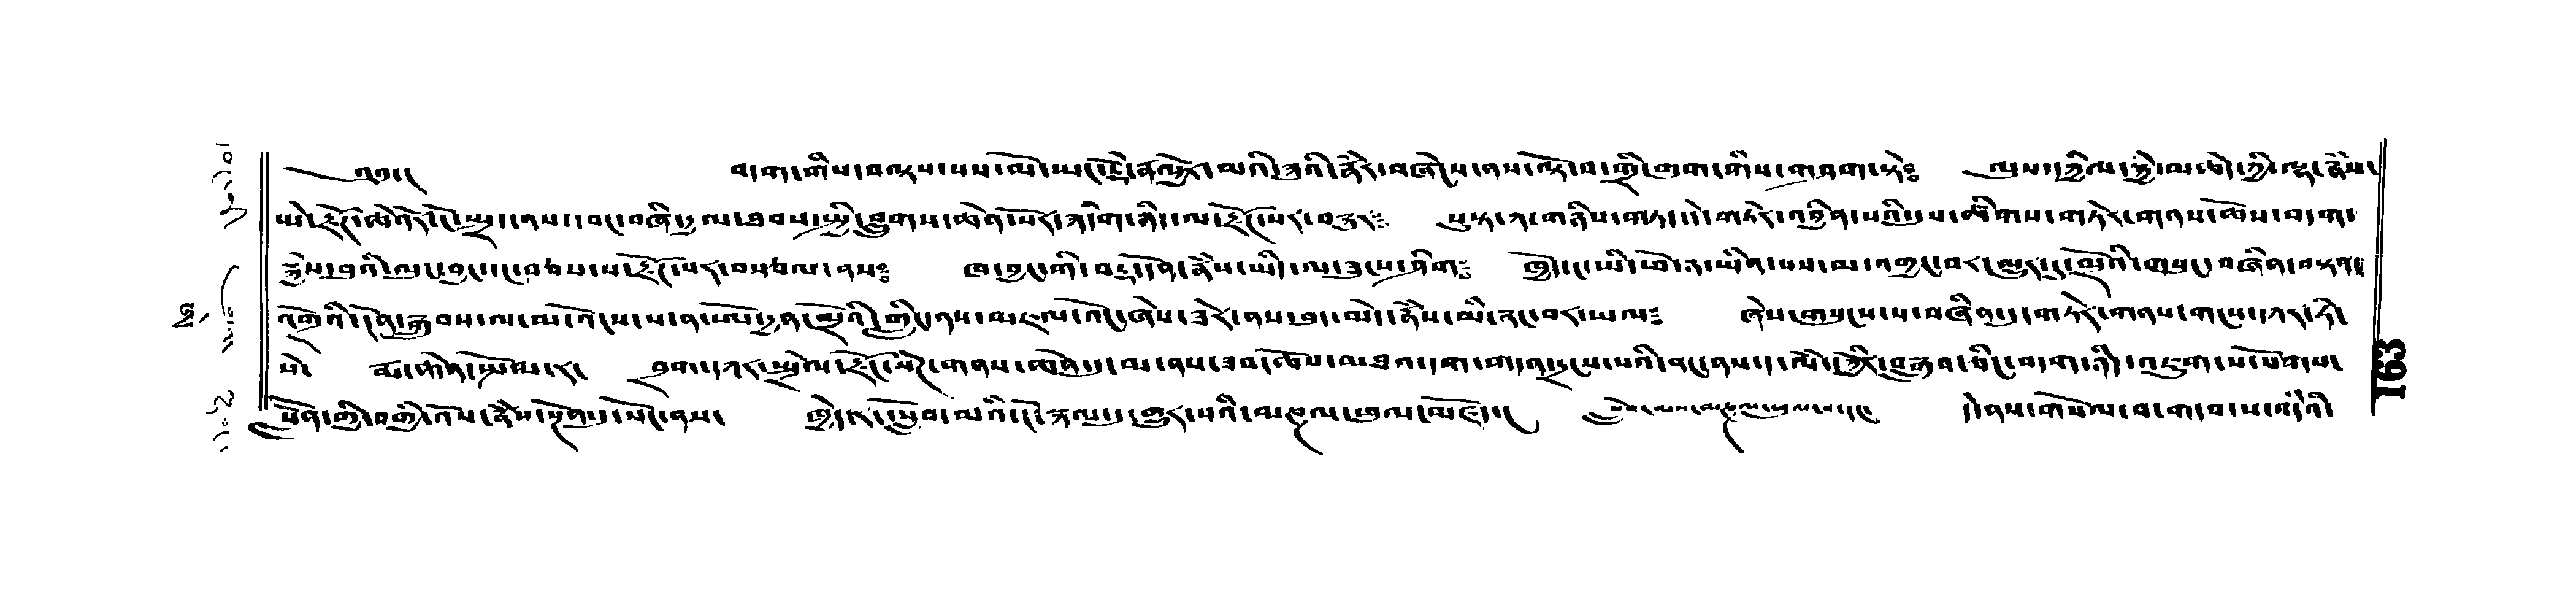བདག་གིས་བལྟས་པས་མོ་ཡང་རྡོ་རྗེ་རྣལ་འབྱོར་མའི་སྐུའི་རྣམ་པར་བཞེངས་ནས་ལྟོ་བ་གྲི་གུག་གིས་གཤགས༔ ལུས་དཀྱིལ་སྐྱེ་མཆེད་ཀྱི་ལྷ་རྣམས་
རྫོགས་ཆེན་པོར་ངོ་སྤྲད་ནས་དབང་བཞི་རྒྱལ་ཐབས་སྤྱི་བླུགས་ཆེན་པོར་སྐད་ཅིག་ཉིད་ལ་རྫོགས་པར་བསྐུར༔ པུསྟ་ཀ་གཉིས་གཏད་དེ་གཏེར་འབྱིན་པའི་དུས་ཚིགས་གཏེར་གནས་ཆོས་བདག་
སྐྱེས་བུའི་ལུང་བྱང་དང་བཅས་པ་རྫོགས་པར་བསྩལ་ནས༔ ཁ་བྱང་གི་བརྡ་དོན་རྣམས་ཡིད་ལ་ཟུངས་ཤིག༔ ཁྱོད་ང་ཡི་ཕོ་ཉ་ཡིན་པས་མ་འགྱང་བར་མྱུར་དུ་མཁའ་འགྲོའི་གསུང་བཞིན་བསྟན་
འགྲོའི་དོན་སྒྲུབས་ལ་མ་འོངས་པ་ན་ཨོ་རྒྱན་མཁའ་འགྲོའི་གླིང་ནས་མཇལ་འོང་ཞེས་ཟེར་ནས་བུད་མེད་རྣམས་མི་སྣང་བར་ཡལ༔ ཞེས་གསུངས་པ་བཞིན་དུ་གཏེར་གནས་གངས་དཀར་ཏི་
སེ། རྨ་ཆེན་སྤོམ་ར། བྲག་དཀར་སྤྲེལ་རྫོང་སོགས་གནས་ཆེན་དུ་མ་ནས་ཟབ་ཆོས་མཐའ་དག་གདན་དྲངས་པའི་ནང་ནས་ད་ལམ་དཀྱིལ་འཁོར་བསྒྲུབ་ཅིང་བདག་ཉིད་འཇུག་པ་སོགས་
སློབ་དཔོན་གྱི་བགྱི་འོས་རྣམས་སྔོན་དུ་སོང་ནས། ཁྱེད་རང་སློབ་མའི་ངོ་སྐལ་དུ་གྱུར་པའི་མཎྜལ་ཕུལ་མཛོད། སློབ་མས་མཎྜལ་ཕུལ་བ་དང་།དེ་ནས་གསོལ་བ་གདབ་པ་འདིའི་